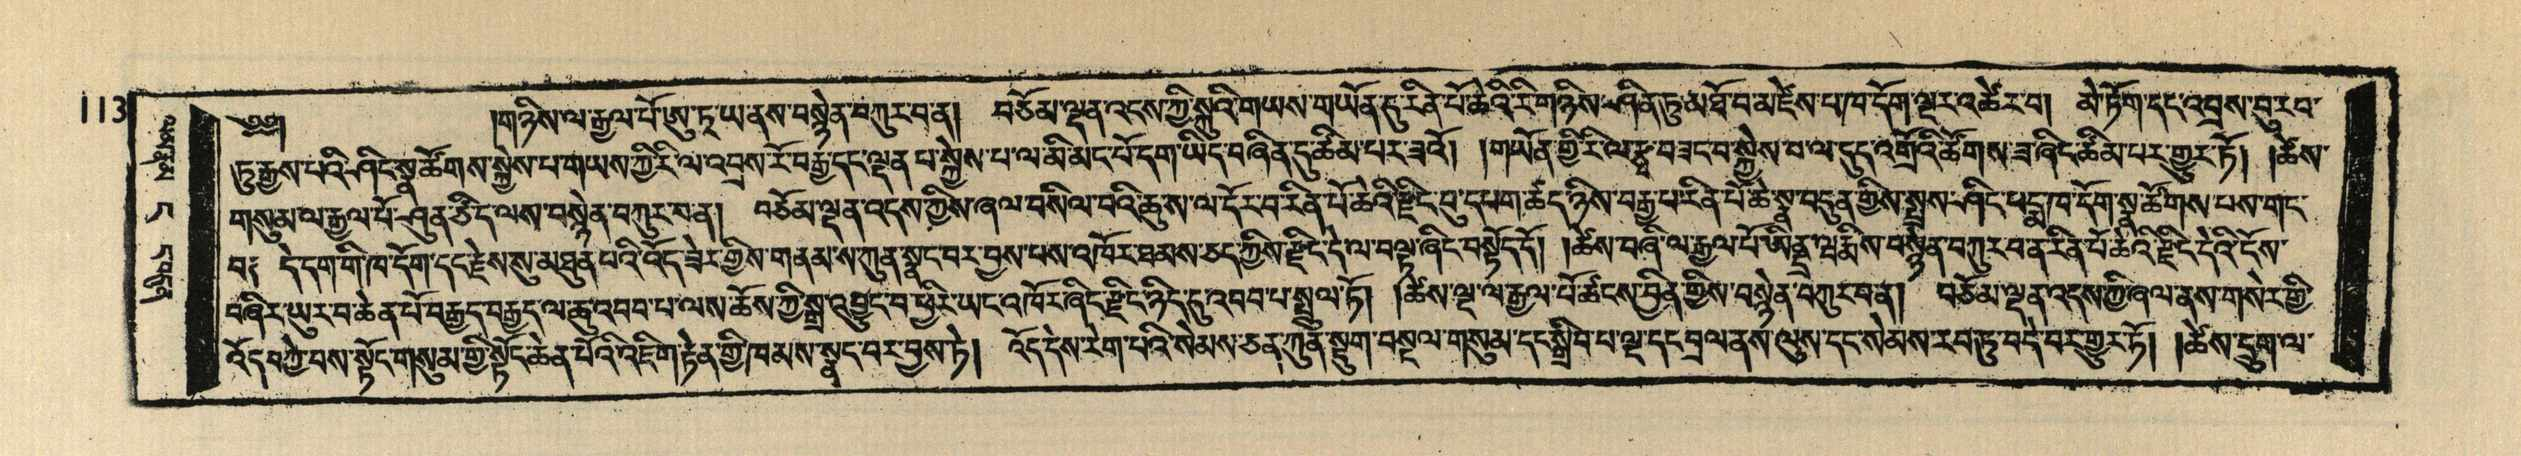༄༅། །གཉིས་ལ་རྒྱལ་པོ་ཨུ་ཏྲ་ཡ་ནས་བསྙེན་བཀུར་བ་ན། བཅོམ་ལྡན་འདས་ཀྱི་སྐུའི་གཡས་གཡོན་དུ་རིན་པོ་ཆེའི་རི་གཉིས་ཤིན་ཏུ་མཐོ་བ་མཛེས་པ་ཁ་དོག་ལྔར་འཚེར་བ། མེ་ཏོག་དང་འབྲས་བུ་རབ་
ཏུ་རྒྱས་པའི་ཤིང་སྣ་ཚོགས་སྐྱེས་པ་གཡས་ཀྱི་རི་ལ་འབྲས་རོ་བརྒྱ་དང་ལྡན་པ་སྐྱེས་པ་ལ་མི་མང་པོ་དག་ཡིད་བཞིན་དུ་ཚིམ་པར་ཟའོ། །གཡོན་གྱི་རི་ལ་རྩྭ་བཟང་བ་སྐྱེས་པ་ལ་དུད་འགྲོའི་ཚོགས་ཟ་ཞིང་ཚིམ་པར་གྱུར་ཏོ། །ཚེས་
གསུམ་ལ་རྒྱལ་པོ་ཤུན་ཙིད་ལས་བསྙེན་བཀུར་བ་ན། བཅོམ་ལྡན་འདས་ཀྱིས་ཞལ་བསིལ་བའི་ཆུ་ས་ལ་དོར་བ་རིན་པོ་ཆེའི་རྫིང་བུ་དཔག་ཚད་ཉིས་བརྒྱ་པ་རིན་པོ་ཆེ་སྣ་བདུན་གྱིས་སྤྲས་ཤིང་པདམ་ཁ་དོག་སྣ་ཚོགས་པས་གང་
བ༑ དེ་དག་གི་ཁ་དོག་དང་རྗེས་སུ་མཐུན་པའི་འོད་ཟེར་གྱིས་གནམ་ས་ཀུན་སྣང་བར་བྱས་པས་འཁོར་ཐམས་ཅད་ཀྱིས་རྫིང་དེ་ལ་བལྟ་ཞིང་བསྟོད་དོ། །ཚེས་བཞི་ལ་རྒྱལ་པོ་ཨིནྡྲ་ཝརྨིས་བསྙེན་བཀུར་བ་ན་རིན་པོ་ཆེའི་རྫིང་དེའི་ངོས་
བཞིར་ཡུར་བ་ཆེན་པོ་བརྒྱད་བརྒྱད་ལ་ཆུ་འབབ་པ་ལས་ཆོས་ཀྱི་སྒྲ་འབྱུང་བ་ཕྱིར་ཡང་འཁོར་ཞིང་རྫིང་ཉིད་དུ་འབབ་པ་སྤྲུལ་ཏོ། །ཚེས་ལྔ་ལ་རྒྱལ་པོ་ཚངས་བྱིན་གྱིས་བསྙེན་བཀུར་བ་ན། བཅོམ་ལྡན་འདས་ཀྱི་ཞལ་ནས་གསེར་གྱི་
འོད་བཀྱེ་བས་སྟོང་གསུམ་གྱི་སྟོང་ཆེན་པོའི་འཇིག་རྟེན་གྱི་ཁམས་སྣང་བར་བྱས་ཏེ། འོད་དེས་རེག་པའི་སེམས་ཅན་ཀུན་སྡུག་བསྔལ་གསུམ་དང་སྒྲིབ་པ་ལྔ་དང་བྲལ་ནས་ལུས་དང་སེམས་རབ་ཏུ་བདེ་བར་གྱུར་ཏོ། །ཚེས་དྲུག་ལ་